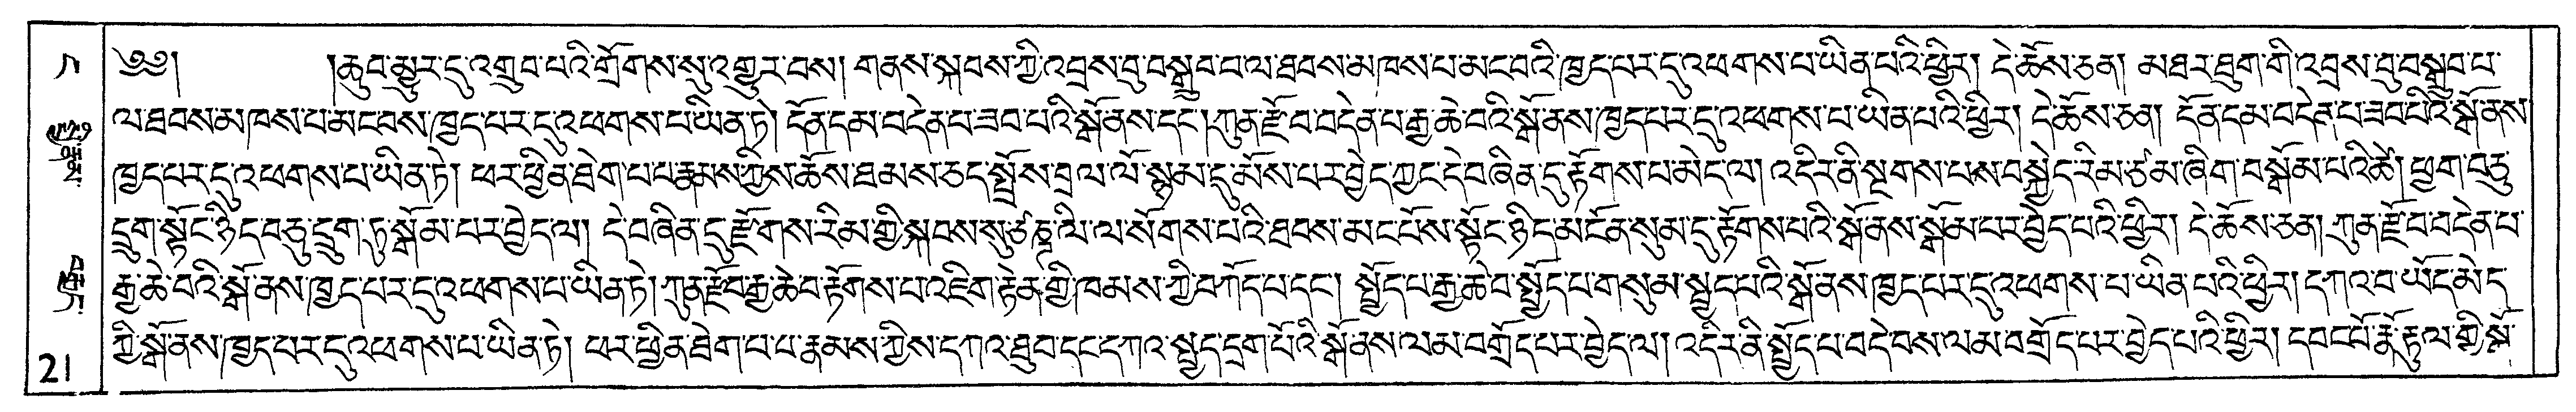༄༅། །ཆུབ་མྱུར་དུ་འགྲུབ་པའི་གྲོགས་སུ་འགྱུར་བས། གནས་སྐབས་ཀྱི་འབྲས་བུ་བསྒྲུབ་པ་ལ་ཐབས་མཁས་པ་མང་བའི་ཁྱད་པར་དུ་འཕགས་པ་ཡིན་པའི་ཕྱིར། དེ་ཆོས་ཅན། མཐར་ཐུག་གི་འབྲས་བུ་བསྒྲུབ་པ་
ལ་ཐབས་མཁས་པ་མང་བས་ཁྱད་པར་དུ་འཕགས་པ་ཡིན་ཏེ། དོན་དམ་བདེན་པ་ཟབ་པའི་སྒོ་ནས་དང་། ཀུན་རྫོབ་བདེན་པ་རྒྱ་ཆེ་བའི་སྒོ་ནས་ཁྱད་པར་དུ་འཕགས་པ་ཡིན་པའི་ཕྱིར། དེ་ཆོས་ཅན། དོན་དམ་བདེན་པ་ཟབ་པའི་སྒོ་ནས་
ཁྱད་པར་དུ་འཕགས་པ་ཡིན་ཏེ། ཕར་ཕྱིན་ཐེག་པ་བ་རྣམས་ཀྱིས་ཆོས་ཐམས་ཅད་སྤྲོས་བྲལ་ལོ་སྙམ་དུ་མོས་པར་བྱེད་ཀྱང་དེ་བཞིན་དུ་རྟོགས་པ་མེད་ལ། འདིར་ནི་སྔགས་པས་བསྐྱེད་རིམ་ཙམ་ཞིག་བསྒོམ་པའི་ཚེ། ཕྱག་བཅུ་
དྲུག་སྟོང་ཉིད་བཅུ་དྲུག་ཏུ་སྒོམ་པར་བྱེད་ལ། དེ་བཞིན་དུ་རྫོགས་རིམ་གྱི་སྐབས་སུ་ཙཎྜ་ལི་ལ་སོགས་པའི་ཐབས་མང་པོས་སྟོང་ཉིད་མངོན་སུམ་དུ་རྟོགས་པའི་སྒོ་ནས་སྒོམ་པར་བྱེད་པའི་ཕྱིར། དེ་ཆོས་ཅན། ཀུན་རྫོབ་བདེན་པ་
རྒྱ་ཆེ་བའི་སྒོ་ནས་ཁྱད་པར་དུ་འཕགས་པ་ཡིན་ཏེ། ཀུན་རྫོབ་རྒྱ་ཆེ་བ་རྟོགས་པ་འཇིག་རྟེན་གྱི་ཁམས་ཀྱི་བཀོད་པ་དང་། སྤྱོད་པ་རྒྱ་ཆེ་བ་སྤྱོད་པ་གསུམ་སྤྱད་པའི་སྒོ་ནས་ཁྱད་པར་དུ་འཕགས་པ་ཡིན་པའི་ཕྱིར། དཀའ་བ་ཡོད་མེད་
ཀྱི་སྒོ་ནས་ཁྱད་པར་དུ་འཕགས་པ་ཡིན་ཏེ། ཕར་ཕྱིན་ཐེག་པ་པ་རྣམས་ཀྱིས་དཀའ་ཐུབ་དང་དཀའ་སྤྱད་དྲག་པོའི་སྒོ་ནས་ལམ་བགྲོད་པར་བྱེད་ལ། འདིར་ནི་སྤྱོད་པ་བདེ་བས་ལམ་བགྲོད་པར་བྱེད་པའི་ཕྱིར། དབང་པོ་རྣོ་རྟུལ་གྱི་སྒོ་